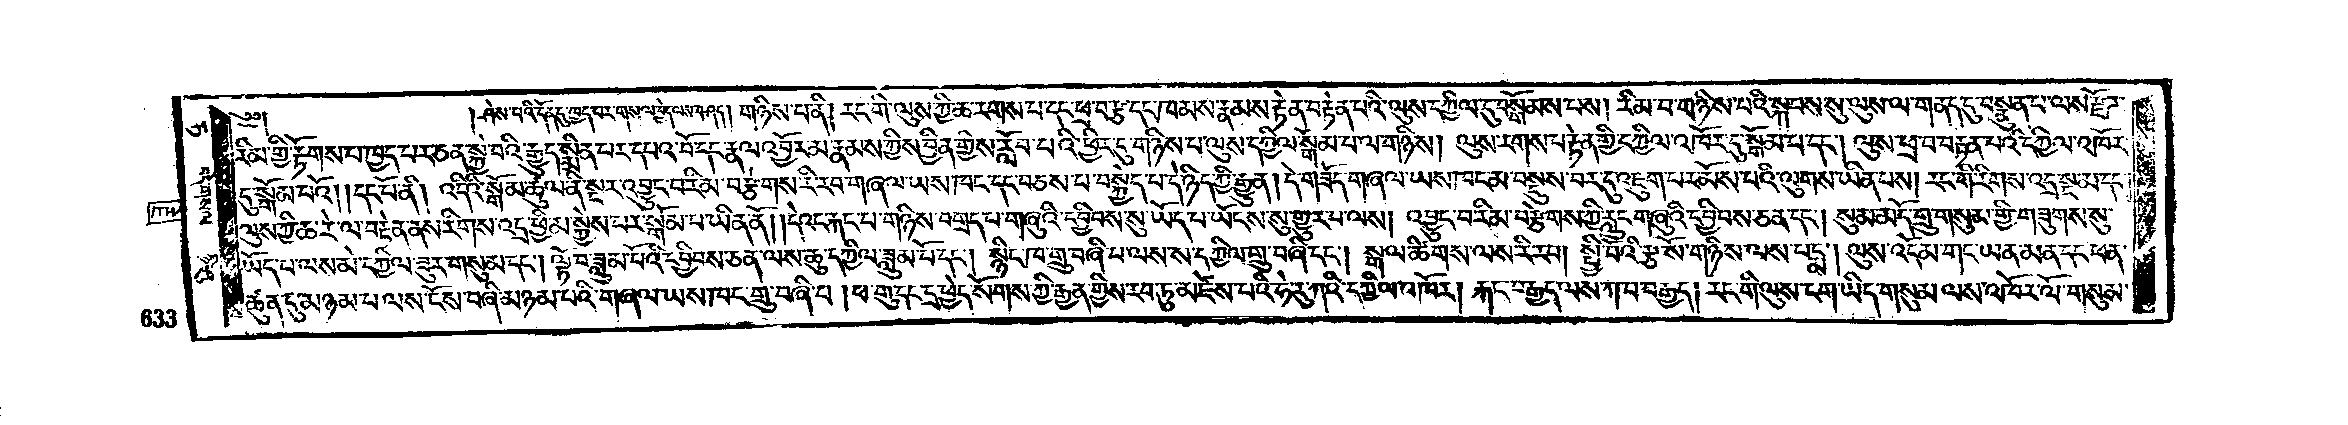༄༅། །ཤེས་པའི་དོན་དུ་ཁྱད་པར་གསལ་བྱེད་ལས་བཤད། གཉིས་པ་ནི། རང་གི་ལུས་ཀྱི་ཆ་རགས་པ་དང་ཕྲ་བ་རྩ་དང་ཁམས་རྣམས་རྟེན་བརྟེན་པའི་ལུས་དཀྱིལ་དུ་བསྒོམས་པས། རིམ་པ་གཉིས་པའི་སྐབས་སུ་ལུས་ལ་གནད་དུ་བསྣུན་པ་ལས་རྫོགས་
རིམ་གྱི་རྟོགས་པ་ཁྱད་པར་ཅན་སྐྱེ་བའི་རྒྱུད་སྨིན་པར་དཔའ་བོ་དང་རྣལ་འབྱོར་མ་རྣམས་ཀྱིས་བྱིན་གྱིས་རློབ་པའི་ཕྱིར་དུ་གཉིས་པ་ལུས་དཀྱིལ་སྒོམ་པ་ལ་གཉིས། ལུས་རགས་པ་རྟེན་གྱི་དཀྱིལ་འཁོར་དུ་སྒོམ་པ་དང་། ལུས་ཕྲ་བ་བརྟན་པའི་དཀྱིལ་འཁོར་
དུ་སྒོམ་པའོ། །དང་པོ་ནི། འདིའི་སྒོམ་ཚུལ་ནི་སྔར་འབྱུང་བ་རིམ་བརྩེགས་རི་རབ་གཞལ་ཡས་ཁང་དང་བཅས་པ་བསྐྱེད་པ་དེ་ཉིད་ཀྱི་རྒྱུན། ད་གཟོད་གཞལ་ཡས་ཁང་མ་བསྡུས་བར་དུ་འཇུག་པར་མོས་པའི་ལུགས་ཡིན་པས། རང་གི་རིགས་འདྲ་སྔ་མ་དང་།
ལུས་ཀྱི་ཆ་རེ་ལ་བརྟེན་ནས་རིགས་འདྲ་ཕྱི་མ་སྐྱེས་པར་སྒོམ་པ་ཡིན་ནོ། །དེའང་རྐང་པ་གཉིས་བགྲད་པ་གཞུའི་དབྱིབས་སུ་ཡོད་པ་ཡོངས་སུ་གྱུར་པ་ལས། འབྱུང་བ་རིམ་བརྩེགས་ཀྱི་རླུང་གཞུའི་དབྱིབས་ཅན་དང་། སུམ་མདོ་གྲུ་གསུམ་གྱི་གཟུགས་སུ་
ཡོད་པ་ལས་མེ་དཀྱིལ་ཟུར་གསུམ་དང་། ལྟོ་བ་ཟླུམ་པོའི་དབྱིབས་ཅན་ལས་ཆུ་དཀྱིལ་ཟླུམ་པོ་དང་། སྙིང་ཁ་གྲུ་བཞི་པ་ལས་ས་དཀྱིལ་གྲུ་བཞི་དང་། སྒལ་ཚིགས་ལས་རི་རབ། སྤྱི་བོའི་རྩ་སོ་གཉིས་ལས་པདམ། ལུས་འདོམ་གང་ཡན་མན་དང་ཕན་
ཚུན་དུ་མཉམ་པ་ལས་ངོས་བཞི་མཉམ་པའི་གཞལ་ཡས་ཁང་གྲུ་བཞི་པ། ཕ་གུ་དང་དྲ་ཕྱེད་སོགས་ཀྱི་རྒྱན་གྱིས་རབ་ཏུ་མཛེས་པའི་ཧེ་རུ་ཀའི་དཀྱིལ་འཁོར། རྐང་བརྒྱད་ལས་ཀ་བ་བརྒྱད། རང་གི་ལུས་ངག་ཡིད་གསུམ་ལས་འཁོར་ལོ་གསུམ་